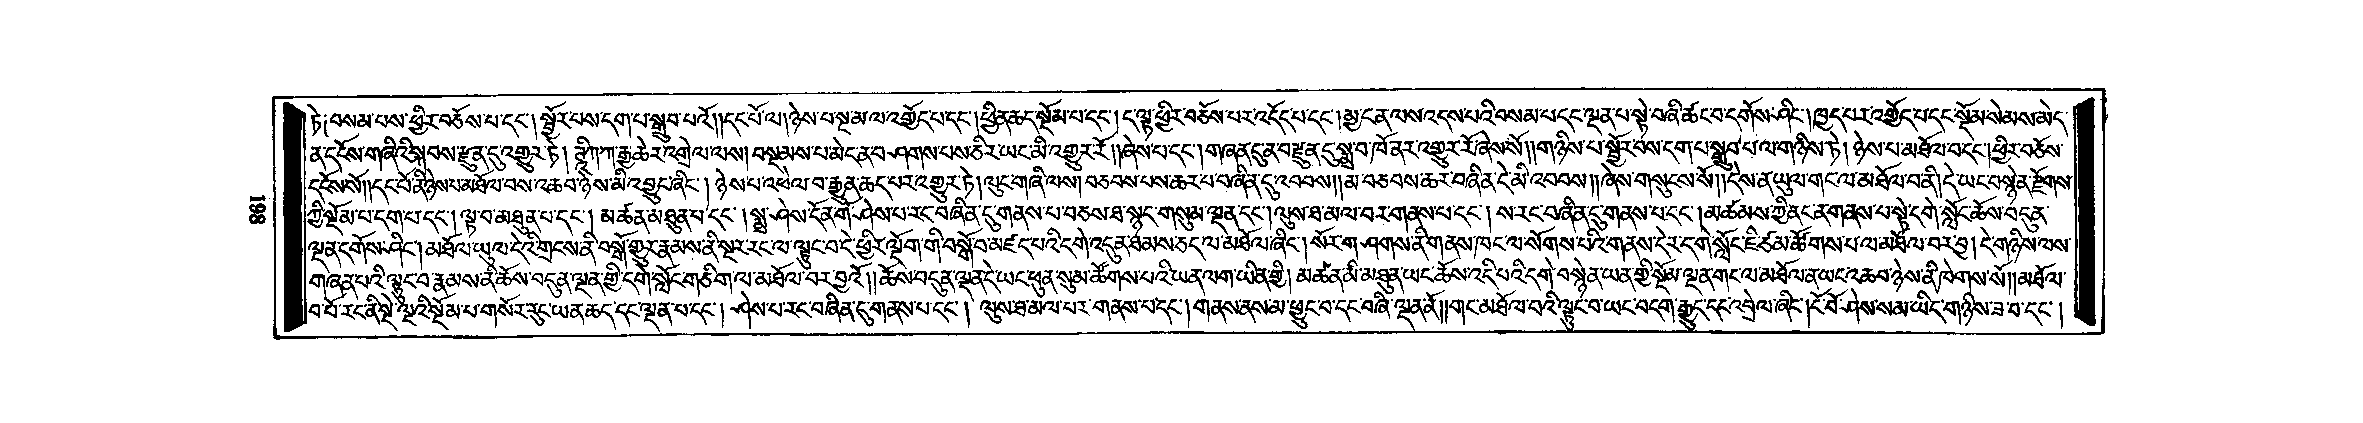ཏེ། བསམ་པས་ཕྱིར་བཅོས་པ་དང་། སྦྱོར་པས་དག་པ་སྒྲུབ་པའོ། །དང་པོ་ལ། ཉེས་པ་སྔ་མ་ལ་འགྱོད་པ་དང་། ཕྱིན་ཆད་སྡོམ་པ་དང་། ད་ལྟ་ཕྱིར་བཅོས་པར་འདོད་པ་དང་། མྱ་ངན་ལས་འདས་པའི་བསམ་པ་དང་ལྡན་པ་སྟེ་བཞི་ཚང་བ་དགོས་ཤིང་། ཁྱད་པར་འགྱོད་པ་དང་སྡོམ་སེམས་མེད་
ན་དངོས་གཞིའི་སྐབས་རྫུན་དུ་འགྱུར་ཏེ། ཊཱིཀ་ཀ་རྒྱ་ཆེར་འགྲེལ་ལས། བསྡམས་པ་མེད་ན་བཤགས་པས་ཅིར་ཡང་མི་འགྱུར་རོ། །ཞེས་པ་དང་། གཞན་དུ་ན་བརྫུན་དུ་སྨྲ་བ་ཁོ་ནར་འགྱུར་རོ་ཞེས་སོ། །གཉིས་པ་སྦྱོར་བས་དག་པ་སྒྲུབ་པ་ལ་གཉིས་ཏེ། ཉེས་པ་མཐོལ་བ་དང་། ཕྱིར་བཅོས་
དངོས་སོ། །དང་པོ་ནི་ཉེས་པ་མཐོལ་བས་འཆབ་ཉེས་མི་འབྱུང་ཞིང་། ཉེས་པ་འཕེལ་བ་རྒྱུན་ཆད་པར་འགྱུར་ཏེ། ལུང་གཞི་ལས། བཅབས་པས་ཆར་པ་བཞིན་དུ་འབབས། །མ་བཅབས་ཆར་བཞིན་དེ་མི་འབབས། །ཞེས་གསུངས་སོ། །དེས་ན་ཡུལ་གང་ལ་མཐོལ་བ་ནི། དེ་ཡང་བསྙེན་རྫོགས་
ཀྱི་སྡོམ་པ་དག་པ་དང་། ལྟ་བ་མཐུན་པ་དང་། མཚན་མཐུན་པ་དང་། སྨྲ་ཤེས་དོན་གོ་ཤེས་པ་རང་བཞིན་དུ་གནས་པ་བཅས་ཐ་སྙད་གསུམ་ལྡན་དང་། ལུས་ཐ་མལ་བར་གནས་པ་དང་། ས་རང་བཞིན་དུ་གནས་པ་དང་། མཚམས་ཀྱི་ནང་ན་གནས་པ་སྟེ་དགེ་སློང་ཆོས་བདུན་
ལྡན་དགོས་ཤིང་། མཐོལ་ཡུལ་དེའི་གྲངས་ནི་བསྒོ་གྱུར་རྣམས་ནི་སྔར་རང་ལ་ལྟུང་བ་དེ་ཕྱིར་ལྡོག་གི་བསྒོ་བ་མཛད་པའི་དགེ་འདུན་ཐམས་ཅད་ལ་མཐོལ་ཞིང་། སོར་གཤགས་ནི་གནས་ཁང་ལ་སོགས་པའི་གནས་དེར་དགེ་སློང་ཇི་ཙམ་ཚོགས་པ་ལ་མཐོལ་བར་བྱ། དེ་གཉིས་ལས་
གཞན་པའི་ལྟུང་བ་རྣམས་ནི་ཆོས་བདུན་ལྡན་གྱི་དགེ་སློང་གཅིག་ལ་མཐོལ་བར་བྱའོ། །ཆོས་བདུན་ལྡན་དེ་ཡང་ཕུན་སུམ་ཚོགས་པའི་ཡན་ལག་ཡིན་གྱི། མཚན་མི་མཐུན་ཡང་ཆོས་འདི་པའི་དགེ་བསྙེན་ཡན་གྱི་སྡོམ་ལྡན་གང་ལ་མཐོལ་ན་ཡང་འཆབ་ཉེས་ནི་ཁེགས་སོ། །མཐོལ་
བ་པོ་རང་ནི་སྡེ་ལྔའི་སྡོམ་པ་གསོར་རུང་ཡན་ཆད་དང་ལྡན་པ་དང་། ཤེས་པ་རང་བཞིན་དུ་གནས་པ་དང་། ལུས་ཐ་མལ་པར་གནས་པ་དང་། གནས་ནས་མ་ཕྱུང་བ་དང་བཞི་ལྡན་ནོ། །གང་མཐོལ་བའི་ལྟུང་བ་ཡང་བདག་རྒྱུད་དང་འབྲེལ་ཞིང་། ངོ་བོ་ཤེས་སམ་ཡིད་གཉིས་ཟ་བ་དང་།